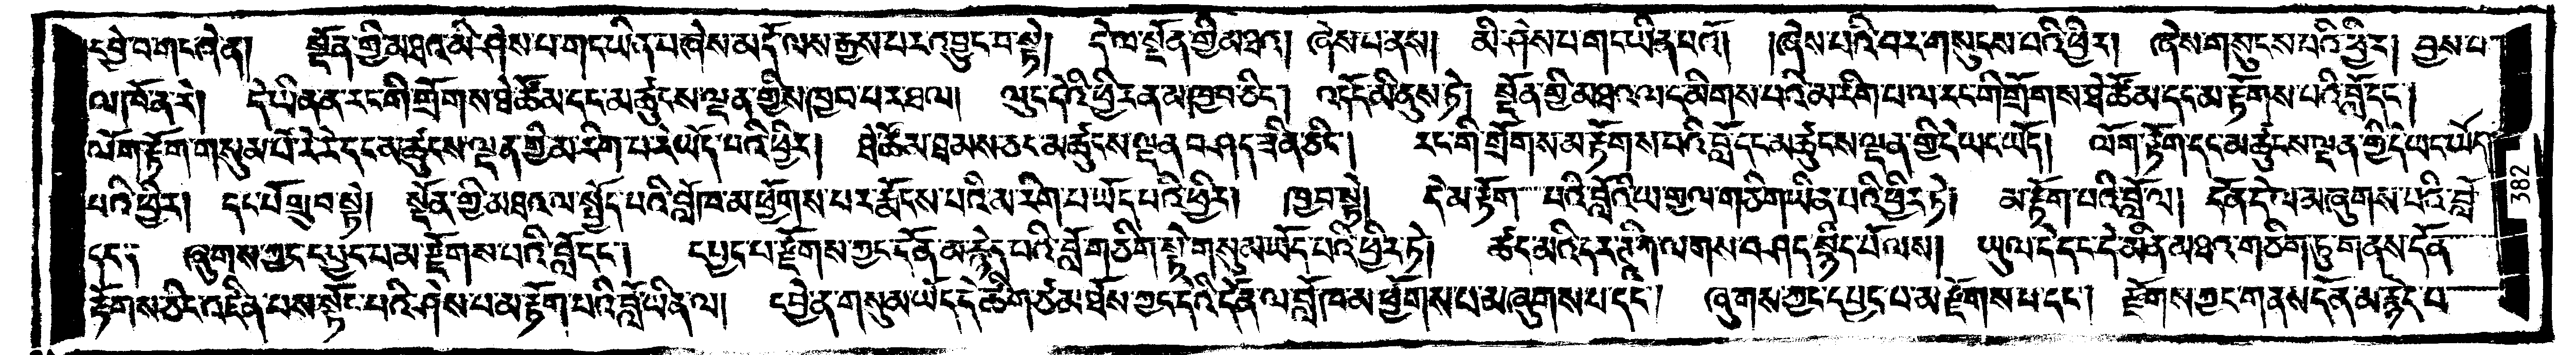དབྱེ་བ་གང་ཞེ་ན། སྔོན་གྱི་མཐའ་མི་ཤེས་པ་གང་ཡིན་པ་ཞེས་མདོ་ལས་རྒྱས་པར་འབྱུང་བ་སྟེ། དེ་ལ་སྔོན་གྱི་མཐའ། ཞེས་པ་ནས། མི་ཤེས་པ་གང་ཡིན་པའོ། །ཞེས་པའི་བར་གསུངས་པའི་ཕྱིར། ཞེས་གསུངས་པའི་ཕྱིར། བྱས་པ་
ལ་ཁོ་ན་རེ། དེ་ཡིན་ན་རང་གི་གྲོགས་ཐེ་ཚོམ་དང་མཚུངས་ལྡན་གྱིས་ཁྱབ་པར་ཐལ། ལུང་དེའི་ཕྱིར་ན་མ་ཁྱབ་ཅིང་། འདོད་མི་ནུས་ཏེ། སྔོན་གྱི་མཐའ་ལ་དམིགས་པའི་མ་རིག་པ་ལ་རང་གི་གྲོགས་ཐེ་ཚོམ་དང་མ་རྟོགས་པའི་བློ་དང་།
ལོག་རྟོག་གསུམ་པོ་རེ་རེ་དང་མཚུངས་ལྡན་གྱི་མ་རིག་པ་རེ་ཡོད་པའི་ཕྱིར། ཐེ་ཚོམ་ཐམས་ཅད་མཚུངས་ལྡན་བཤད་ཟིན་ཅིང་། རང་གི་གྲོགས་མ་རྟོགས་པའི་བློ་དང་མཚུངས་ལྡན་གྱི་དེ་ཡང་ཡོད། ལོག་རྟོག་དང་མཚུངས་ལྡན་གྱི་དེ་ཡང་ཡོད་
པའི་ཕྱིར། དང་པོ་གྲུབ་སྟེ། སྔོན་གྱི་མཐའ་ལ་སྤྱོད་པའི་བློ་ཁ་མ་ཕྱོགས་པར་རྨོངས་པའི་མ་རིག་པ་ཡོད་པའི་ཕྱིར། ཁྱབ་སྟེ། དེ་མ་རྟོག་པའི་བློའི་ཡ་གྱལ་གཅིག་ཡིན་པའི་ཕྱིར་ཏེ། མ་རྟོག་པའི་བློ་ལ། དོན་དེ་ལ་མ་ཞུགས་པའི་བློ་
དང༑ ཞུགས་ཀྱང་དཔྱད་པ་མ་རྫོགས་པའི་བློ་དང་། དཔྱད་པ་རྫོགས་ཀྱང་དོན་མ་རྙེད་པའི་བློ་གཅིག་སྟེ་གསུམ་ཡོད་པའི་ཕྱིར་ཏེ། ཚད་མའི་དར་ཊཱིཀ་ལགས་བཤད་སྙིང་པོ་ལས། ཡུལ་དེ་དང་དེ་མིན་མཐའ་གཅིག་ཏུ་གནས་དོན་
རྟོགས་ཅིང་འཛིན་པས་སྟོང་པའི་ཤེས་པ་མ་རྟོག་པའི་བློ་ཡིན་ལ། དབྱེ་ན་གསུམ་ཡོད་དེ་ཚིག་ཙམ་ཐོས་ཀྱང་དེའི་དོན་ལ་བློ་ཁ་མ་ཕྱོགས་པ་མ་ཞུགས་པ་དང་། ཞུགས་ཀྱང་དཔྱད་པ་མ་རྫོགས་པ་དང་། རྫོགས་ཀྱང་གནས་དོན་མ་རྙེད་པ་